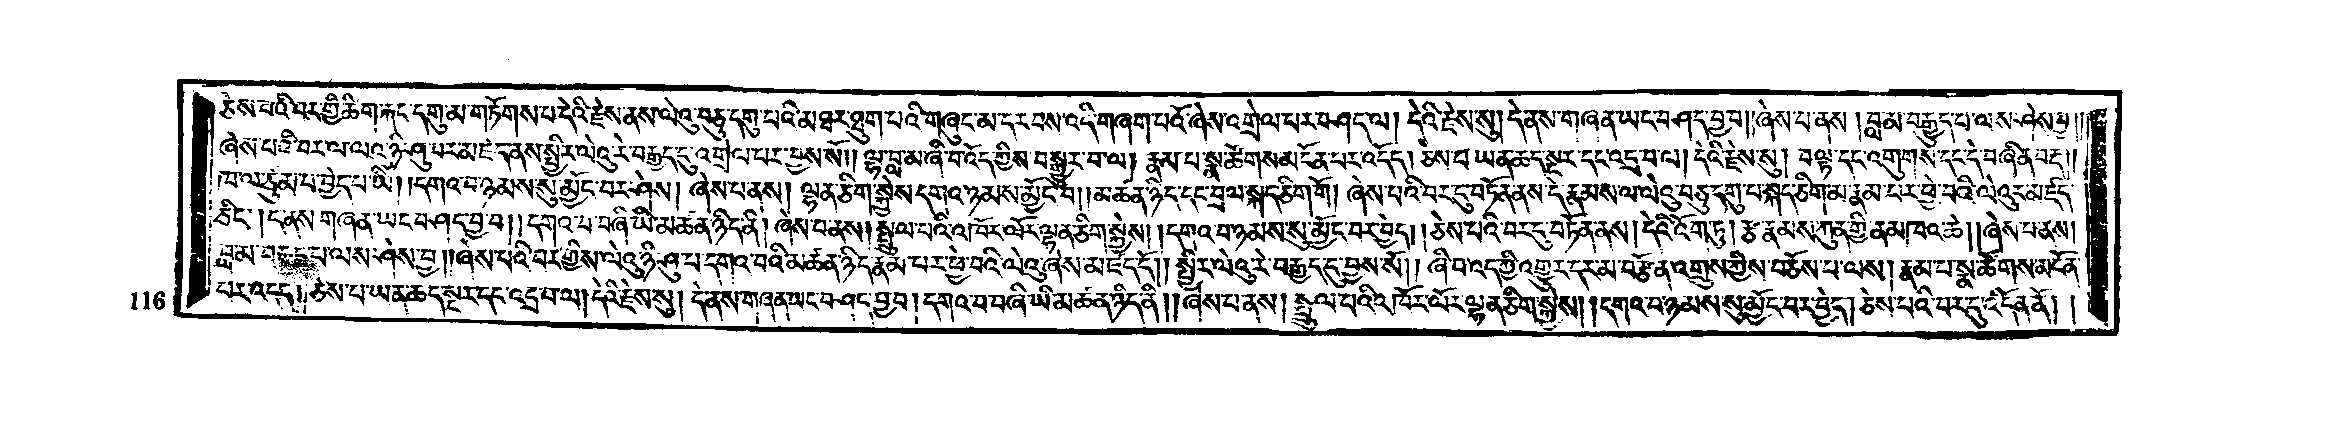ཅེས་པའི་བར་གྱི་ཚིག་རྐང་དགུ་མ་གཏོགས་པ་དེའི་རྗེས་ནས་ལེའུ་བཅུ་དགུ་པའི་མཐར་ཐུག་པའི་གཞུང་མ་དར་བས་འདི་གཞག་པའོ་ཞེས་འགྲེལ་པར་བཤད་ལ། དེའི་རྗེས་སུ། དེ་ནས་གཞན་ཡང་བཤད་བྱ་བ། །ཞེས་པ་ནས། བླ་མ་བརྒྱུད་པ་ལས་ཤེས་བྱ། །
ཞེས་པའི་བར་ལ་ལེའུ་ཉི་ཤུ་པར་མཛད་ནས་སྤྱིར་ལེའུ་རེ་བརྒྱད་དུ་འགྲེལ་པར་བྱས་སོ། །ལྷ་བླ་མ་ཞི་བ་འོད་ཀྱིས་བསྒྱུར་བ་ལ། རྣམ་པ་སྣ་ཚོགས་མངོན་པར་འདོད། ཅེས་པ་ཡན་ཆད་སྔར་དང་འདྲ་བ་ལ། དེའི་རྗེས་སུ། བལྟ་དང་འགུགས་དང་དེ་བཞིན་བརྡ། །
ཁ་ལ་ཙམ་པ་བྱེད་པ་ཡི། །དགའ་བ་ཉམས་སུ་མྱོང་བར་ཤེས། ཞེས་པ་ནས། ལྷན་ཅིག་སྐྱེས་དགའ་ཉམས་མྱོང་བ། །མཚན་ཉིད་དང་བྲལ་སྐད་ཅིག་གོ །ཞེས་པའི་བར་དུ་བཏོན་ནས་དེ་རྣམས་ལ་ལེའུ་བཅུ་དགུ་པ་སྐད་ཅིག་མ་རྣམ་པར་ཕྱེ་བའི་ལེའུར་མཛད་
ཅིང་། དེ་ནས་གཞན་ཡང་བཤད་བྱ་བ། །དགའ་བ་བཞི་ཡི་མཚན་ཉིད་ནི། ཞེས་པ་ནས། སྤྲུལ་པའི་འཁོར་ལོར་ལྷན་ཅིག་སྐྱེས། །དགའ་བ་ཉམས་སུ་མྱོང་བར་བྱེད། །ཅེས་པའི་བར་དུ་བཏོན་ནས། དེའི་འོག་ཏུ། རྩ་རྣམས་ཀུན་གྱི་ནམ་མཁའ་ཆེ། །ཞེས་པ་ནས།
བླ་མ་བརྒྱུད་པ་ལས་ཤེས་བྱ། །ཞེས་པའི་བར་གྱིས་ལེའུ་ཉི་ཤུ་པ་དགའ་བའི་མཚན་ཉིད་རྣམ་པར་ཕྱེ་བའི་ལེའུ་ཞེས་མཛད་དོ། །སྤྱིར་ལེའུ་རེ་བརྒྱད་དུ་བྱས་སོ། །ཞི་བ་འོད་ཀྱི་འགྱུར་དར་མ་བརྩོན་འགྲུས་ཀྱིས་བཅོས་པ་ལས། རྣམ་པ་སྣ་ཚོགས་མངོན་
པར་འདོད། །ཅེས་པ་ཡན་ཆད་སྔར་དང་འདྲ་བ་ལ། དེའི་རྗེས་སུ། དེ་ནས་གཞན་ཡང་བཤད་བྱ་བ། དགའ་བ་བཞི་ཡི་མཚན་ཉིད་ནི། །ཞེས་པ་ནས། སྤྲུལ་པའི་འཁོར་ལོར་ལྷན་ཅིག་སྐྱེས། །དགའ་བ་ཉམས་སུ་མྱོང་བར་བྱེད། ཅེས་པའི་བར་དུ་འདོན་ནོ། །